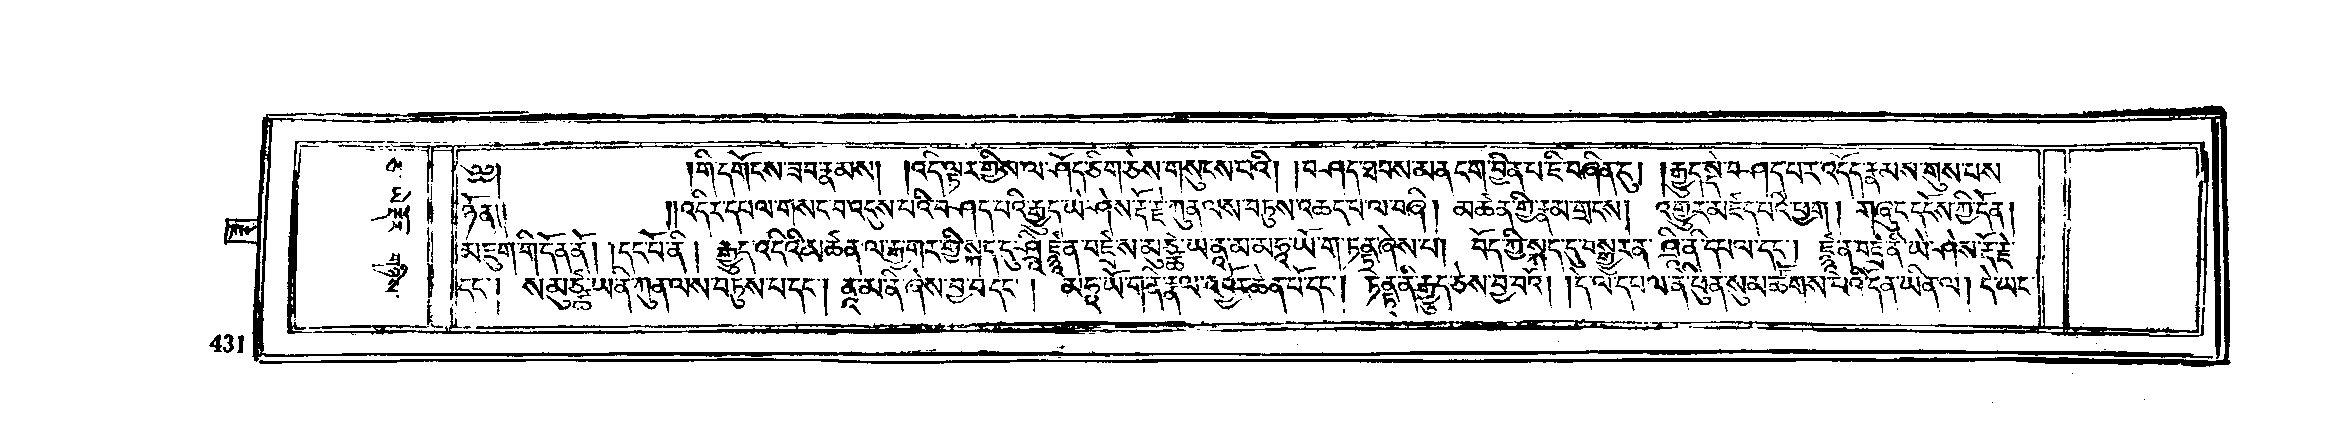༄༅། །གི་དགོངས་ཟབ་རྣམས། །འདི་ལྟར་གྱིས་ལ་ཤོད་ཅིག་ཅེས་གསུངས་པའི། །བཤད་ཐབས་མན་ངག་བྱིན་པ་ཇི་བཞིན་དུ། །རྒྱུད་སྡེ་བཤད་པར་འདོད་རྣམས་གུས་པས་
ཉོན།། །།འདིར་དཔལ་གསང་བ་འདུས་པའི་བཤད་པའི་རྒྱུད་ཡེ་ཤེས་རྡོ་རྗེ་ཀུན་ལས་བཏུས་འཆད་པ་ལ་བཞི། མཚན་གྱི་རྣམ་གྲངས། འགྱུར་མཛད་པའི་ཕྱག །གཞུང་དངོས་ཀྱི་དོན།
མཇུག་གི་དོན་ནོ། །དང་པོ་ནི། རྒྱུད་འདིའི་མཚན་ལ་རྒྱ་གར་གྱི་སྐད་དུ་ཤྲཱི་ཛྙཱ་ན་བཛྲ་ས་མུ་ཙྪ་ཡ་ནཱ་མ་མཧཱ་ཡོ་ག་ཏནྟྲ་ཞེས་པ། བོད་ཀྱི་སྐད་དུ་བསྒྱུར་ན་ཤྲཱི་ནི་དཔལ་དང་། ཛྙཱ་ན་བཛྲ་ནི་ཡེ་ཤེས་རྡོ་རྗེ་
དང་། སམུཙྪ་ཡ་ནི་ཀུན་ལས་བཏུས་པ་དང་། ནཱ་མ་ནི་ཞེས་བྱ་བ་དང་། མཧཱ་ཡོ་ག་ནི་རྣལ་འབྱོར་ཆེན་པོ་དང་། ཏནྟྲ་ནི་རྒྱུད་ཅེས་བྱ་བའོ། །དེ་ལ་དཔལ་ནི་ཕུན་སུམ་ཚོགས་པའི་དོན་ཡིན་ལ། དེ་ཡང་